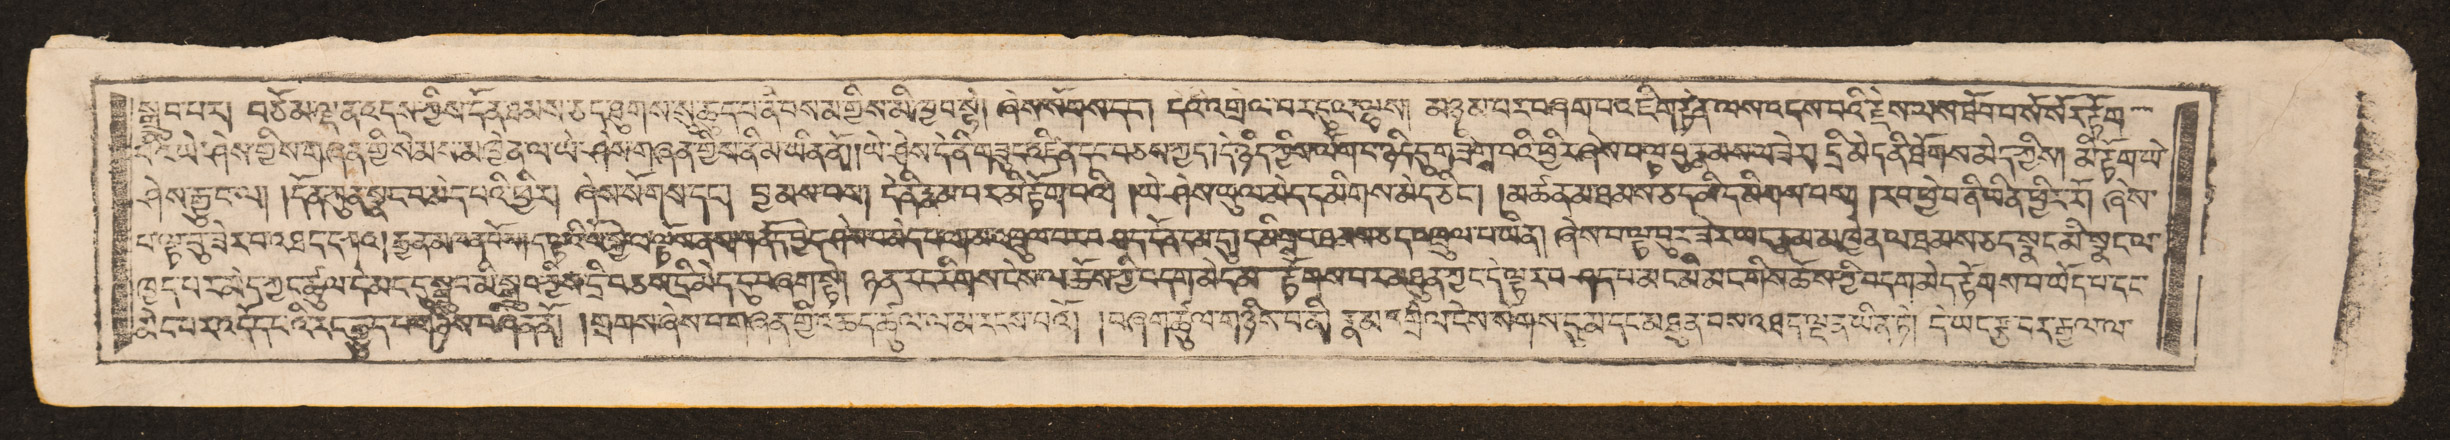སྒྲུབ་པར། བཅོམ་ལྡན་འདས་ཀྱིས་དོན་ཐམས་ཅད་ཐུགས་སུ་ཆུད་པ་ནི་བསམ་གྱིས་མི་ཁྱབ་སྟེ། ཞེས་སོགས་དང་། དེའི་འགྲེལ་བར་དུལ་ལྷས། མཉམ་པར་བཞག་པ་འཇིག་རྟེན་ལས་འདས་པའི་རྗེས་ལས་ཐོབ་པ་སོ་སོར་རྟོག་
པའི་ཡེ་ཤེས་གྱིས་གཞན་གྱི་སེམས་མཁྱེན་ལ་ཡེ་ཤེས་གཞན་གྱིས་ནི་མ་ཡིན་ནོ། །ཡེ་ཤེས་དེ་ནི་གཟུང་འཛིན་དང་བཅས་ཀྱང་། དེ་ཉིད་ཀྱིས་ལོག་པ་ཉིད་དུ་གཟིགས་པའི་ཕྱིར་ཞེས་པ་ལྟ་བུ་རྣམས་ལ་ཟེར། དྲི་མེད་ནི་ཐོགས་མེད་ཀྱིས། མི་རྟོག་ཡེ་
ཤེས་རྒྱུ་བ་ལ། །དོན་ཀུན་སྣང་བ་མེད་པའི་ཕྱིར། ཞེས་སོགས་དང་། བྱམས་པས། དེ་ནི་རྣམ་པར་མི་རྟོག་པའི། །ཡེ་ཤེས་ཡུལ་མེད་དམིགས་མེད་ཅིང་། །མཚན་མ་ཐམས་ཅད་མི་དམིགས་པས། །རབ་ཕྱེ་བ་ནི་ཡིན་ཕྱིར་རོ། ཞེས་
པ་ལྟ་བུ་ཟེར་བ་འཐད་དཀའ། རྒྱན་མཁན་པོས། ད་ལྟའི་སོ་སྐྱེ་ལ་ལྟོས་ནས། གནོད་བྱེད་ཤེས་པ་མེད་པ་ལ་མ་འཁྲུལ་པར་བཤད་དོན་དམ་དུ། དམིགས་པ་ཐམས་ཅད་འཁྲུལ་པ་ཡིན། ཞེས་པ་ལྟ་བུར་ཟེར་ཡང་རྣམ་མཁྱེན་ལ་ཐམས་ཅད་སྣང་མི་སྣང་ལ་
ཁྱད་པར་མེད་ཀྱང་ཚུལ་དེ་མང་དུ་སྒྲུབ་མི་སྒྲུབ་ཀྱིས་དྲི་བཅས་དྲི་མེད་དུ་བཞག་སྟེ། ཉན་རང་རིགས་ངེས་ལ་ཆོས་ཀྱི་བདག་མེད་མ་རྟོགས་པར་མཐུན་ཀྱང་དེ་ལྟར་བཤད་པ་མང་མི་མང་གིས་ཆོས་ཀྱི་བདག་མེད་རྟོགས་པ་ཡོད་པ་དང་
མེད་པར་འདོད་པའི་རང་རྒྱུད་པ་གཉིས་བཞིན་ནོ། །གྲགས་ཞེས་པ་གཞན་གྱི་འཆད་ཚུལ་ལ་མ་རངས་པའོ། །བཞག་ཚུལ་གཉིས་པ་ནི། རྣམ་འགྲེལ་ངེས་སོགས་དུ་མ་དང་མཐུན་པས་འཐད་ལྡན་ཡིན་ཏེ། དེ་ཡང་རྩ་བར་རྒྱལ་ལ་